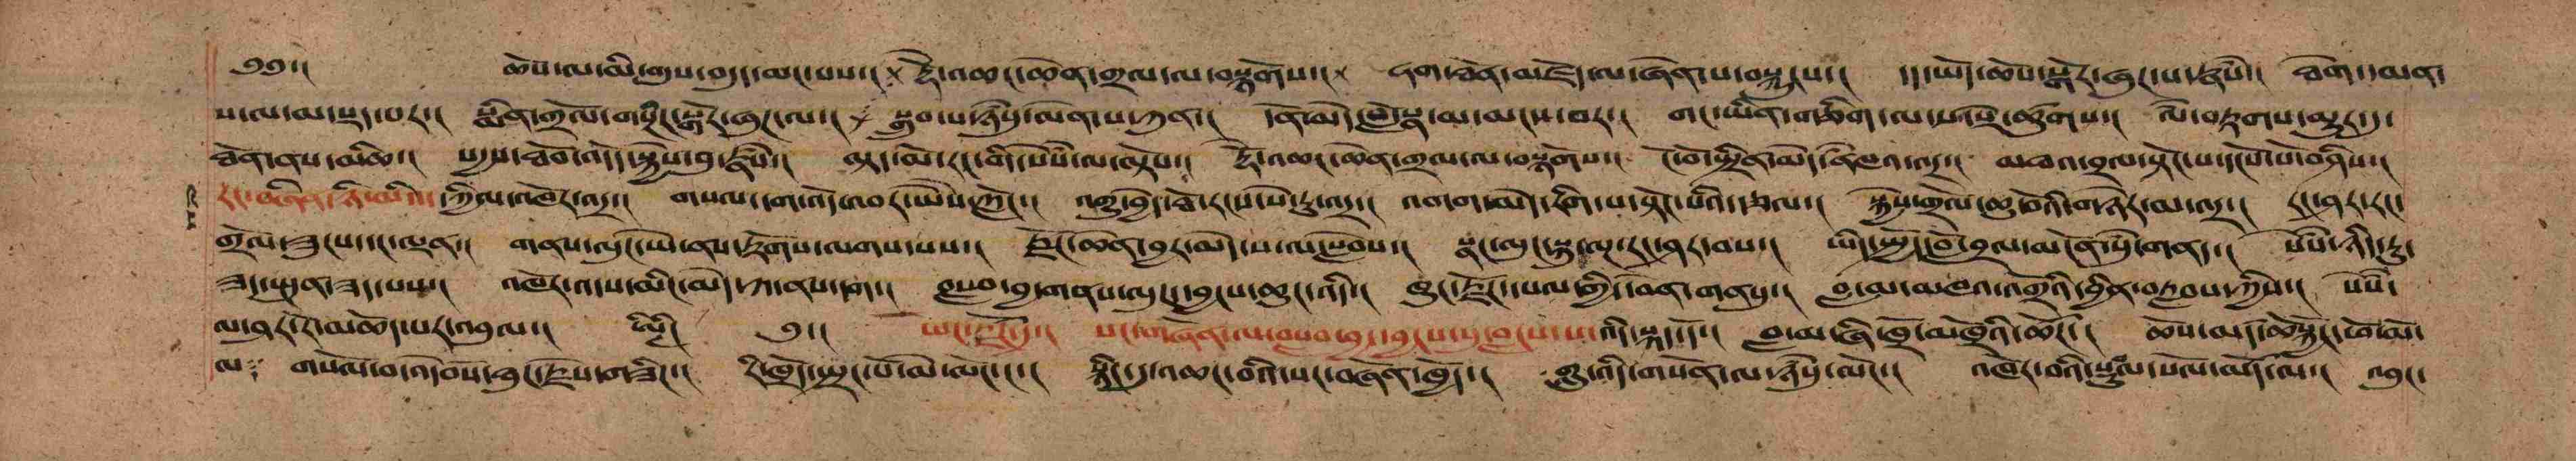༄༅།། ཆོས་ལ་མི་གུས་བདུད་མང་པས།། ཧག་ཐོན་མཛོད་ལ་ཞེན་པ་བསྐྱུངས།། དད་ཡོད་ཆོས་སྒོར་ཞུགས་པ་རྣམས།། ཐེག་དམན་
ས་ལ་མ་བསྡད་པར།། སྨིན་གྲོལ་གསང་སྔགས་སྒོར་ཞུགས་ལ།། རྡོ་རྗེ་འཆང་ཆེན་གྲལ་ལ་བསྙོགས།། སྒྲུབ་པ་ཉམས་སུ་ལེན་པ་ཀུན།། དོན་མེད་བློ་སྣ་མ་མངས་པར།། གང་ཡིན་གཅིག་ལ་ས་སྡེ་ཚུགས།། ལམ་བརྟགས་མྱུར་དུ་
ཐོན་ནས་མཆི།། སངས་རྒྱས་ཐོབ་འདོད་སྐྱེས་བུ་རྣམས།། ལྟད་མོ་རང་གི་སེམས་ལ་ལྟོས།། རྡོ་རྗེ་འཆང་ཆེན་གྲལ་ལ་བསྙོགས།། ངོ་བོ་སྤྲིན་མེད་ནམ་མཁའ་འདྲ།། མཐའ་བྲལ་སྟོང་པ་དངོས་པོའི་གཤིས།། 
རང་བཞིན་ཉི་མའི་དཀྱིལ་འཁོར་འདྲ།། གསལ་དག་འོད་འབར་ཡེ་ཤེས་ཀློང་།། འགྱུ་བྱེད་ཐོ་རངས་སེ་རུ་འདྲ།། འགག་མེད་རིག་པ་སྟོང་པའི་རྩལ།། སྐྱེས་གྲོལ་ཆུ་བོའི་གཉེར་མ་འདྲ།། རང་ཤར་རང་
གྲོལ་ཟུངས་དང་ལྡན།། གནས་ལུགས་ཡེ་ནས་རྟོགས་ལགས་པས།། རྫོགས་ཆེན་བྱར་མེད་ས་ལ་སླེབས།། སྣང་ལུགས་སྐུ་ལྔ་རང་ཤར་བས།། ཡིད་སྤྱོད་བློ་བྲལ་མངོིན་སུམ་གནད།། སེམས་ཉིད་རྒྱུ་
ཟད་སྤུན་ཟད་པས།། འཁོར་འདས་མིང་མེད་ཀ་ནས་དག། བསླབ་བྱ་གནས་ལུགས་དབྱངས་ཆུང་འདི།། ཁྱུང་རྫོང་དཔལ་གྱི་དབེན་གནས་སུ།། བླ་མ་མཁའ་འགྲོའི་བྱིན་རླབས་ཀྱིས།། སེམས་
ལ་ཤར་རོ་མཆོད་པར་འབུལ།། ཨིཊི། ༄་། ཡང་རྫོང་དུ། སང་གཞོན་ལ་བསླབ་བྱ་དབྱངས་སུ་བླངས་པ་འདི་སྐད་དོ།། བླ་མ་ཞི་ཁྲོ་མཁའ་འགྲོའི་ཚོིགས།། ཆོས་མཛད་ཆོིས་སྐྱོང་ཕོ་མོ་
ལ།། གསོལ་བ་འདེབས་སོ་ཐུགས་རྗེས་གཟིགས།། རི་ཁྲོད་སྤྲང་པོ་མེ་ལོང་ང་།། སྙིང་དུ་འཆང་བའི་སང་བཞོན་ཁྱོད།། གླུ་འདི་གསོན་ལ་ཉམས་སུ་ལོངས།། འཁོར་བའི་སྡུག་བསྔལ་སོལ་མཛོད་ལ།། འབུང་